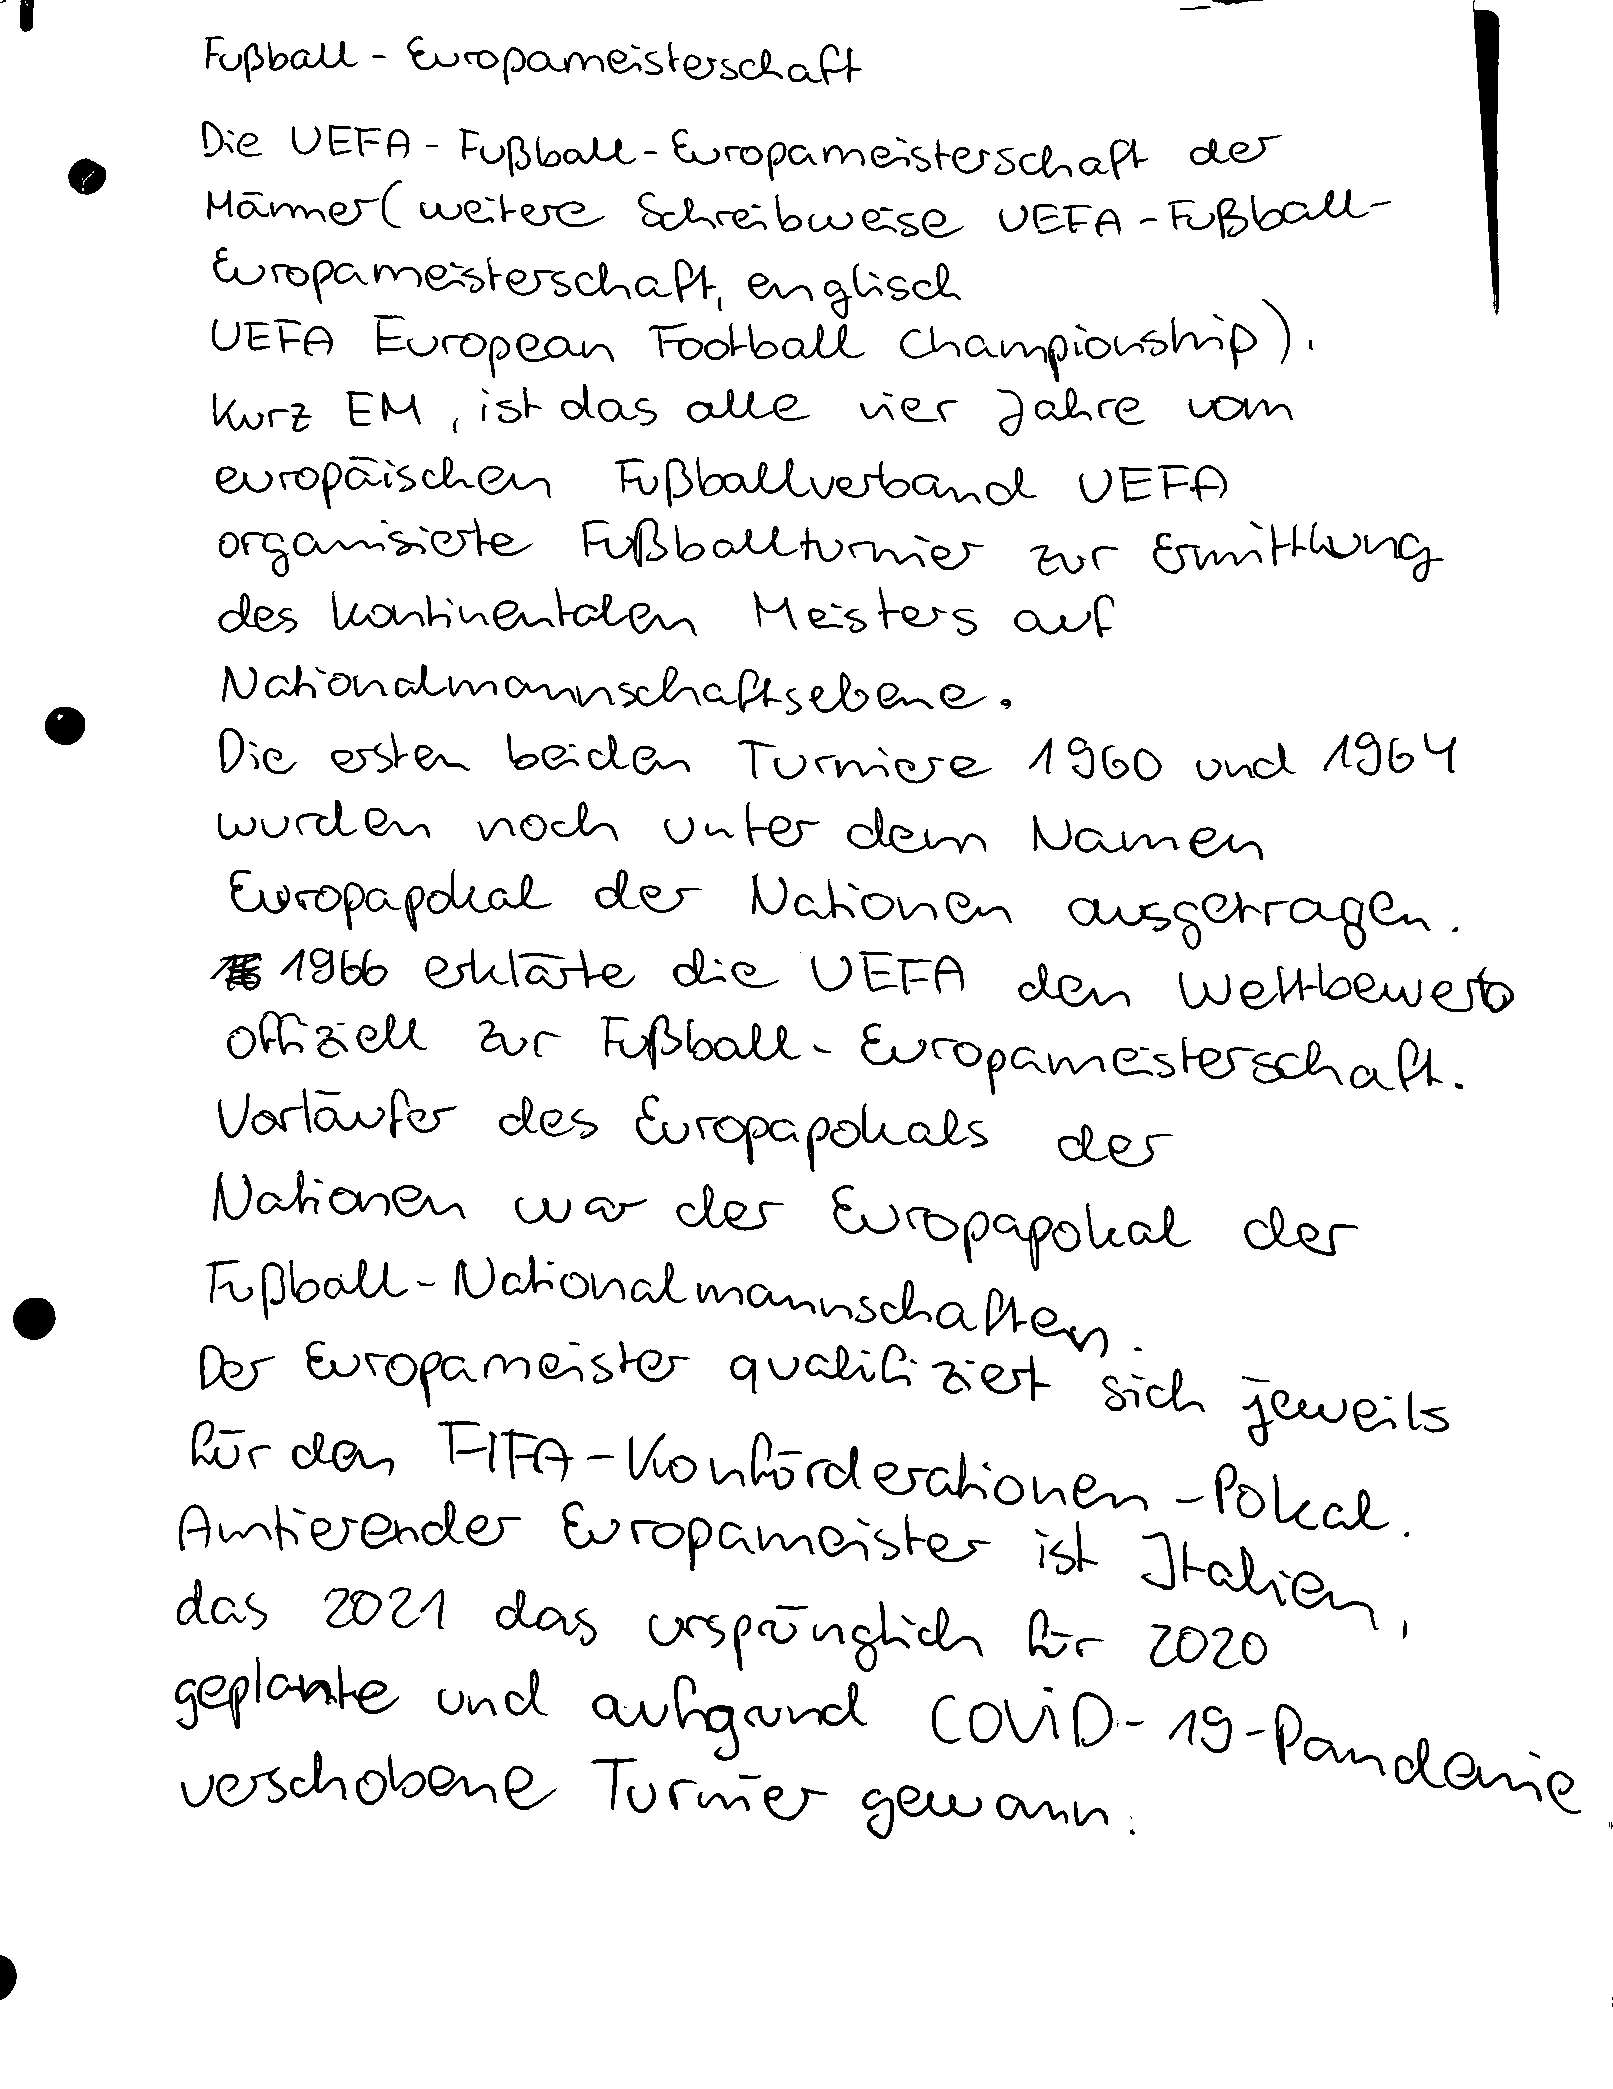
Fußball-Europameisterschaft
Die UEFA-Fußball-Europameisterschaft der
Männer (weitere Schreibweise UEFA-Fussball-
Europameisterschaft, englisch
UEFA European Football Championship),
kurz EM, ist das alle vier Jahre vom
europäischen Fußballverband UEFA
organisierte Fußballturnier zur Ermittlung
des kontinentalen Meisters auf
Nationalmannschaftsebene.
Die ersten beiden Turniere 1960 und 1964
wurden noch Unter dem Namen
Europapokal der Nationen ausgetragen.
1966 erklärte die UEFA den Wettbewerb
offiziell zur Fußball-Europameisterschaft.
Vorläufer des Europapokals der
Nationen war der Europapokal der
Fußball-Nationalmannschaften.
Der Europameister qualifiziert Sich jeweils
für den FIFA-Konföderationen-Pokal.
Amtierender Europameister ist Italien,
das 2021 das ursprünglich für 2020
geplante und aufgrund COVID-19-Pandemie
verschobene Turnier gewann.
